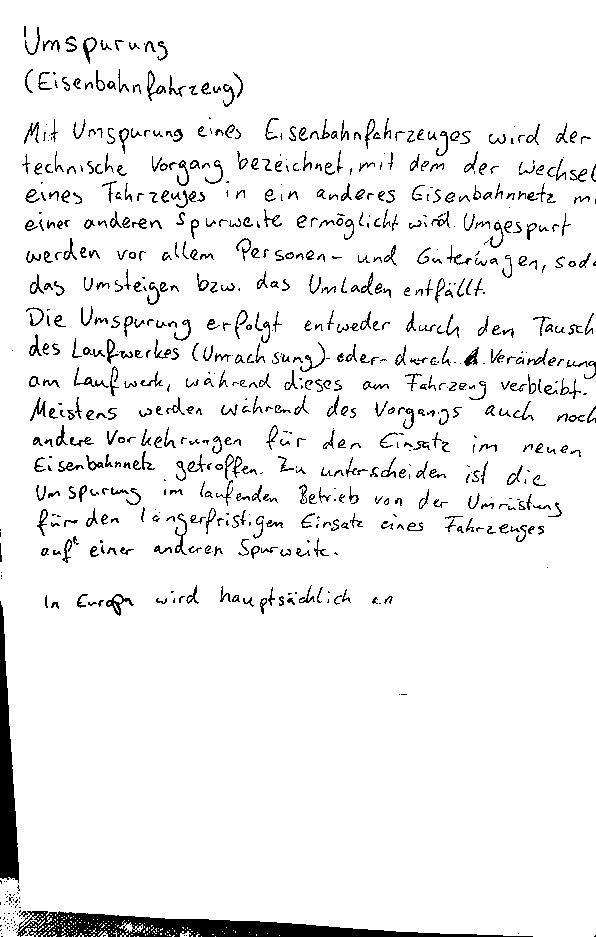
Umspurung
(Eisenbahnfahrzeug)
Mit Umspurung eines Eisenbahnfahrzeuges wird der
technische Vorgang bezeichnet, mit dem der Wechsel
eines Fahrzeuges in ein anderes Eisenbahnnetz m,
einer anderen Spurweite ermöglicht wird Umgespurt
werden Vor allem Personen- und Güterwagen, sod.
das Umsteigen bzw. das Umladen entfällt.
Die Umspurung erfolgt entweder durch den Tausch
des Laufwerkes (Umachsung) oder durch Veränderung
am Laufwerk, während dieses am Fahrzeug verbleibt.
Meistens werden während des Vorgangs auch noch
andere Vorkehrungen für den Einsatz im neuen
Eisenbahnnetz getroffen Zu unterscheiden ist die
Umsprung im Laufenden Betrieb Van der Umrüstung
für den längerfristigen Einsatz eines Fahrzeuges
auf einer anderen Spurweite.
In Europa wird hauptsächlich an
